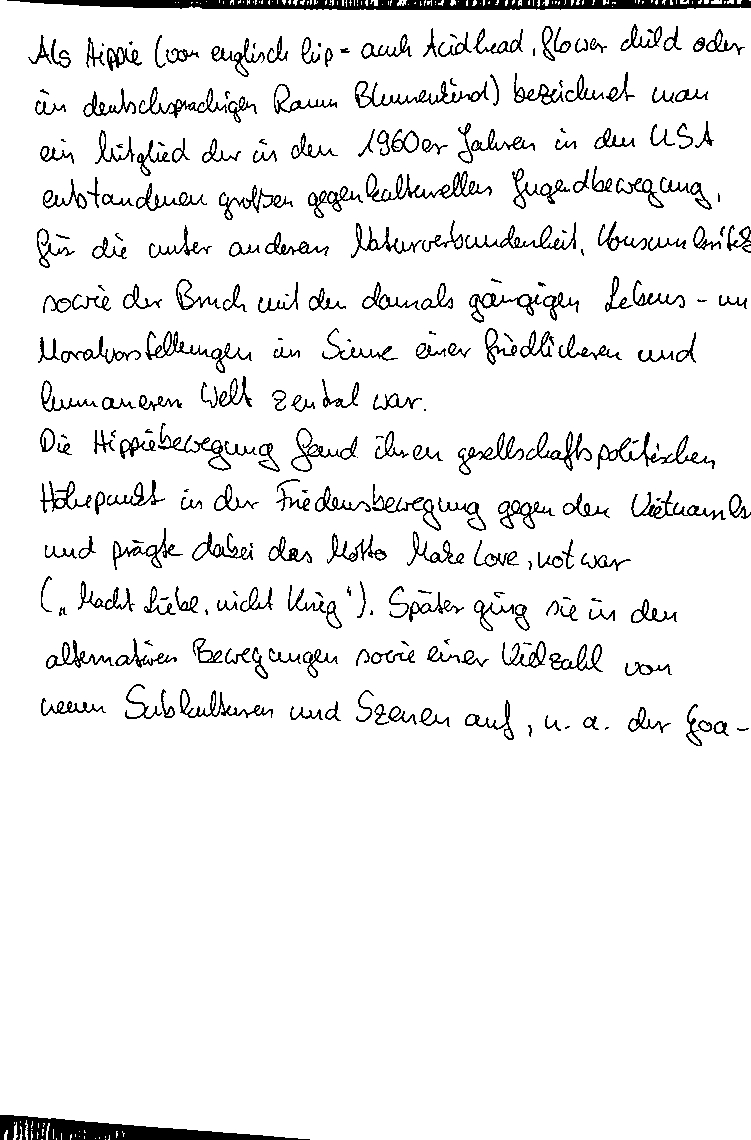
Als Hippie (von englisch hip = auch Acidhead, flower child oder
im deutschsprachigen Raum Blumenkind) bezeichnet man
ein Mitglied der in den 1960er Jahren in den USA
entstandenen großen gegenkulturellen Jugendbewegung,
für die unter anderem Naturverbundenheit, Konsumkritik
sowie der Bruch mit den damals gängigen Lebens- und
Moralvorstellungen im Sinne einer friedlicheren und
humaneren Welt zentral war.
Die Hippiebewegung fand ihren gesellschaftspolitischen
Höhepunkt in der Friedensbewegung gegen den Vietnamk
und prägte dabei das Motto Make love, not war
("Macht Liebe, nicht Krieg"). Später ging sie in den
alternativen Bewegungen sowie einer Vielzahl von
neuen Subkulturen und Szenen auf, u. a. der Goa-
